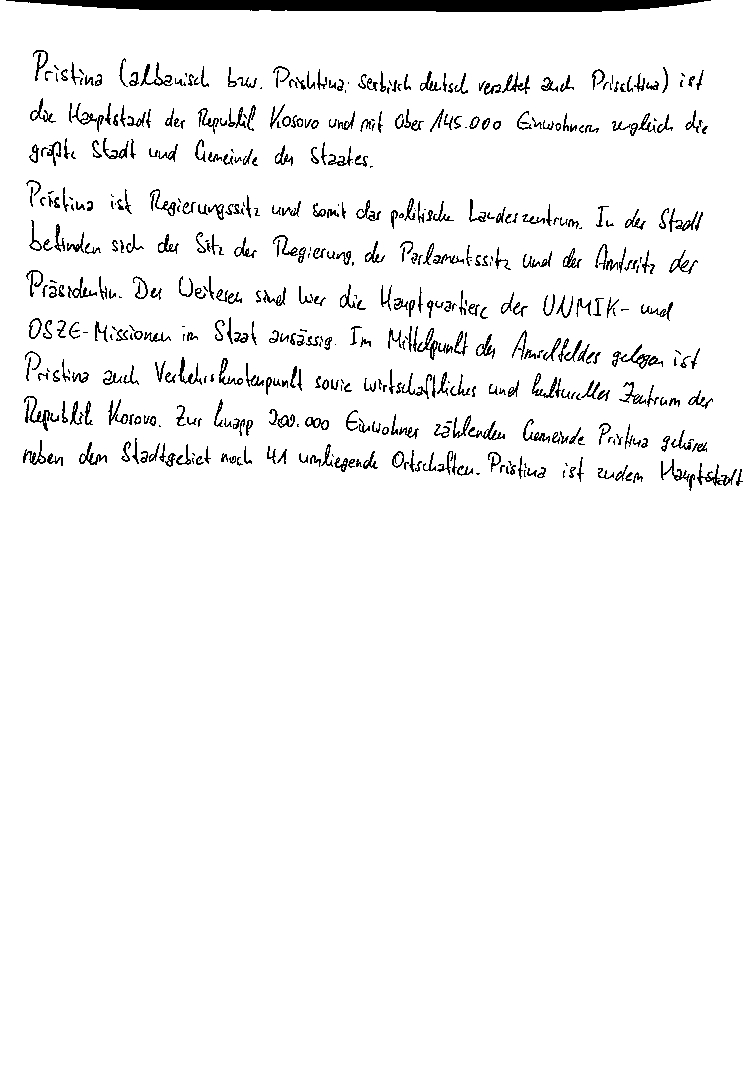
Pristina ( Albanisch bzw. Prishtina serbisch deutsch veraltet auch Prischtina) ist
die Hauptstadt der Republik Kosovo und mit über 145000 Einwohnern zugleich die
größte Stadt und Gemeinde des Staates.
Pristina ist Regierungssitz und somit das politische Landeszentrum. In der Stadt
befinden sich der Sitz der Regierung, der Parlamentssitz und der Amtsitz der
Präsidentin. Des Weiteren sind hier die Hauptquartiere der UAMIK- und
OSZE- Missionen im Staat ansässig. Im Mittelpunkt des Amselfeldes gelegen ist
Pristina auch Verkehrsknotenpunkt sowie wirtschaftliches und kulturelles Zentrum der
Republik Kosovo. Zur knapp 200.000 Einwohner zähelenden Gemeinde Pristina gehören
neben dem Stadtgebiet noch 41 umliegende Ortschaften. Pristina ist zudem Hauptstadt
